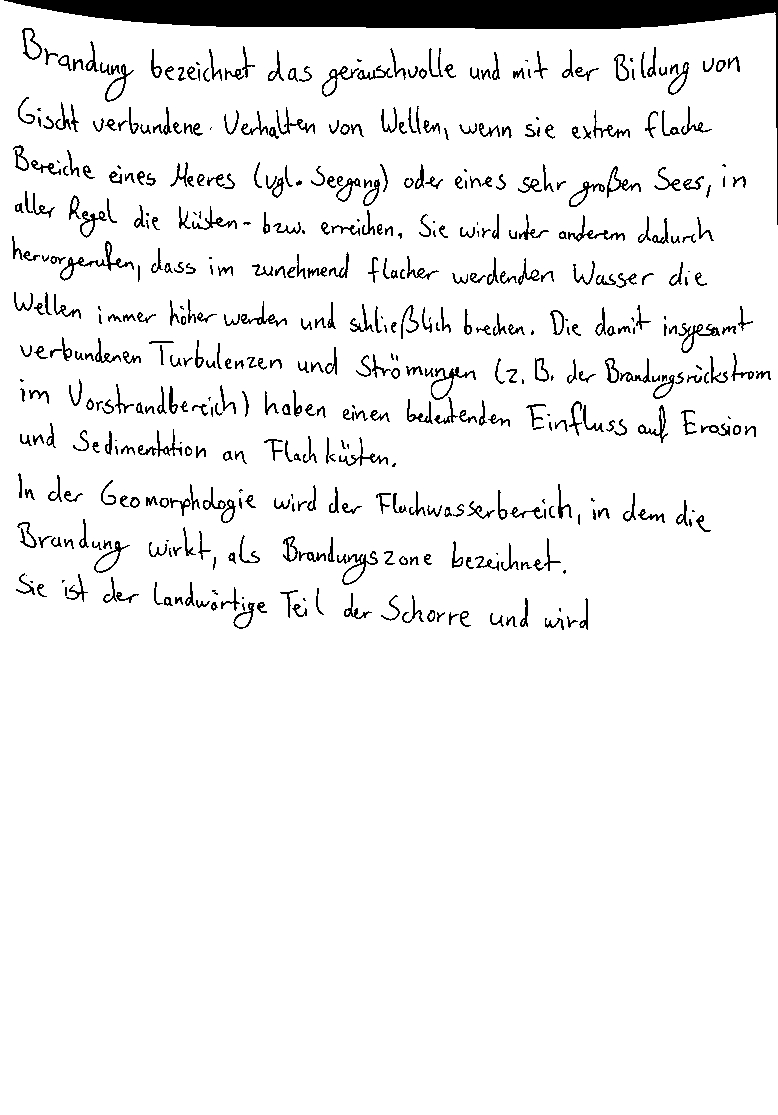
Brandung bezeichnet das geräuschvolle und mit der Bildung von
Gischt verbundene Verhalten von Wellen, wenn sie extrem flache
Bereiche eines Meeres (vgl. Seegang) oder eines sehr großen Sees, in
aller Regel die Küsten- bzw. erreichen. Sie wird unter anderem dadurch
hervorgerufen, dass im zunehmend flacher werdenden Wasser die
Wellen immer höher werden und schließlich brechen. Die damit insgesamt
verbundenen Turbulenzen und Strömungen (z. B. der Brandungsrückstrom
im Vorstrandbereich) haben einen bedeutenden Einfluss auf Erosion
und Sedimentation an Flachküsten.
In der Geomorphologie wird der Flachwasserbereich, in dem die
Brandung wirkt, als Brandungszone bezeichnet.
Sie ist der landwärtige Teil der Schorre und wird
